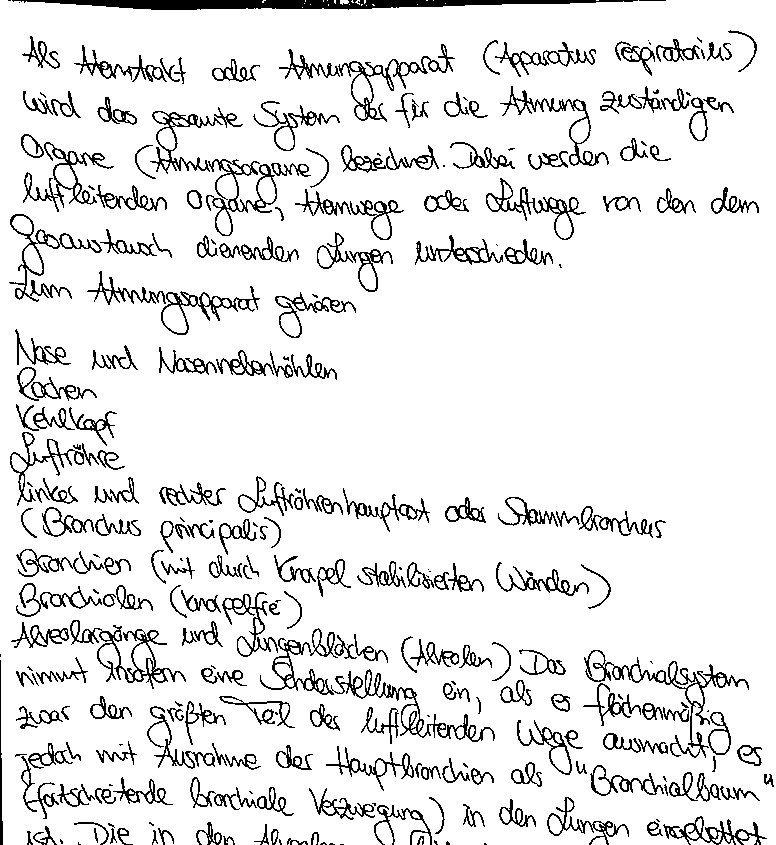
Als Atemtrakt oder Atmungsapparat (Apparatus respiratorius)
wird das gesamte System der für die Atmung zuständigen
Organe (Atmungsorgane) bezeichnet. Dabei werden die
luftleitenden Organe, Atemwege oder Luftwege von den dem
Gasaustausch dienenden Lungen unterschieden.
Zum Atmungsapparat gehören
Nase und Nasennebenhöhlen
Rachen
Kehlkopf
Luftröhre
linker und rechter Luftröhrenhauptast oder Stammbronchus
(Bronchus principalis)
Bronchien (mit durch Knorpel stabilisierten Wänden)
Bronchiolen (knorpelfrei)
Alveolargänge und Lungenbläschen (Alveolen)Das Bronchialsystem
nimmt insofern eine Sonderstellung ein, als es flächenmäßig
zwar den größten Teil der luftleitenden Wege ausmacht, es
jedoch mit Ausnahme der Hauptbronchien als "Bronchialbaum"
(fortschreitende bronchiale Verzweigung) in den Lungen eingebettet
